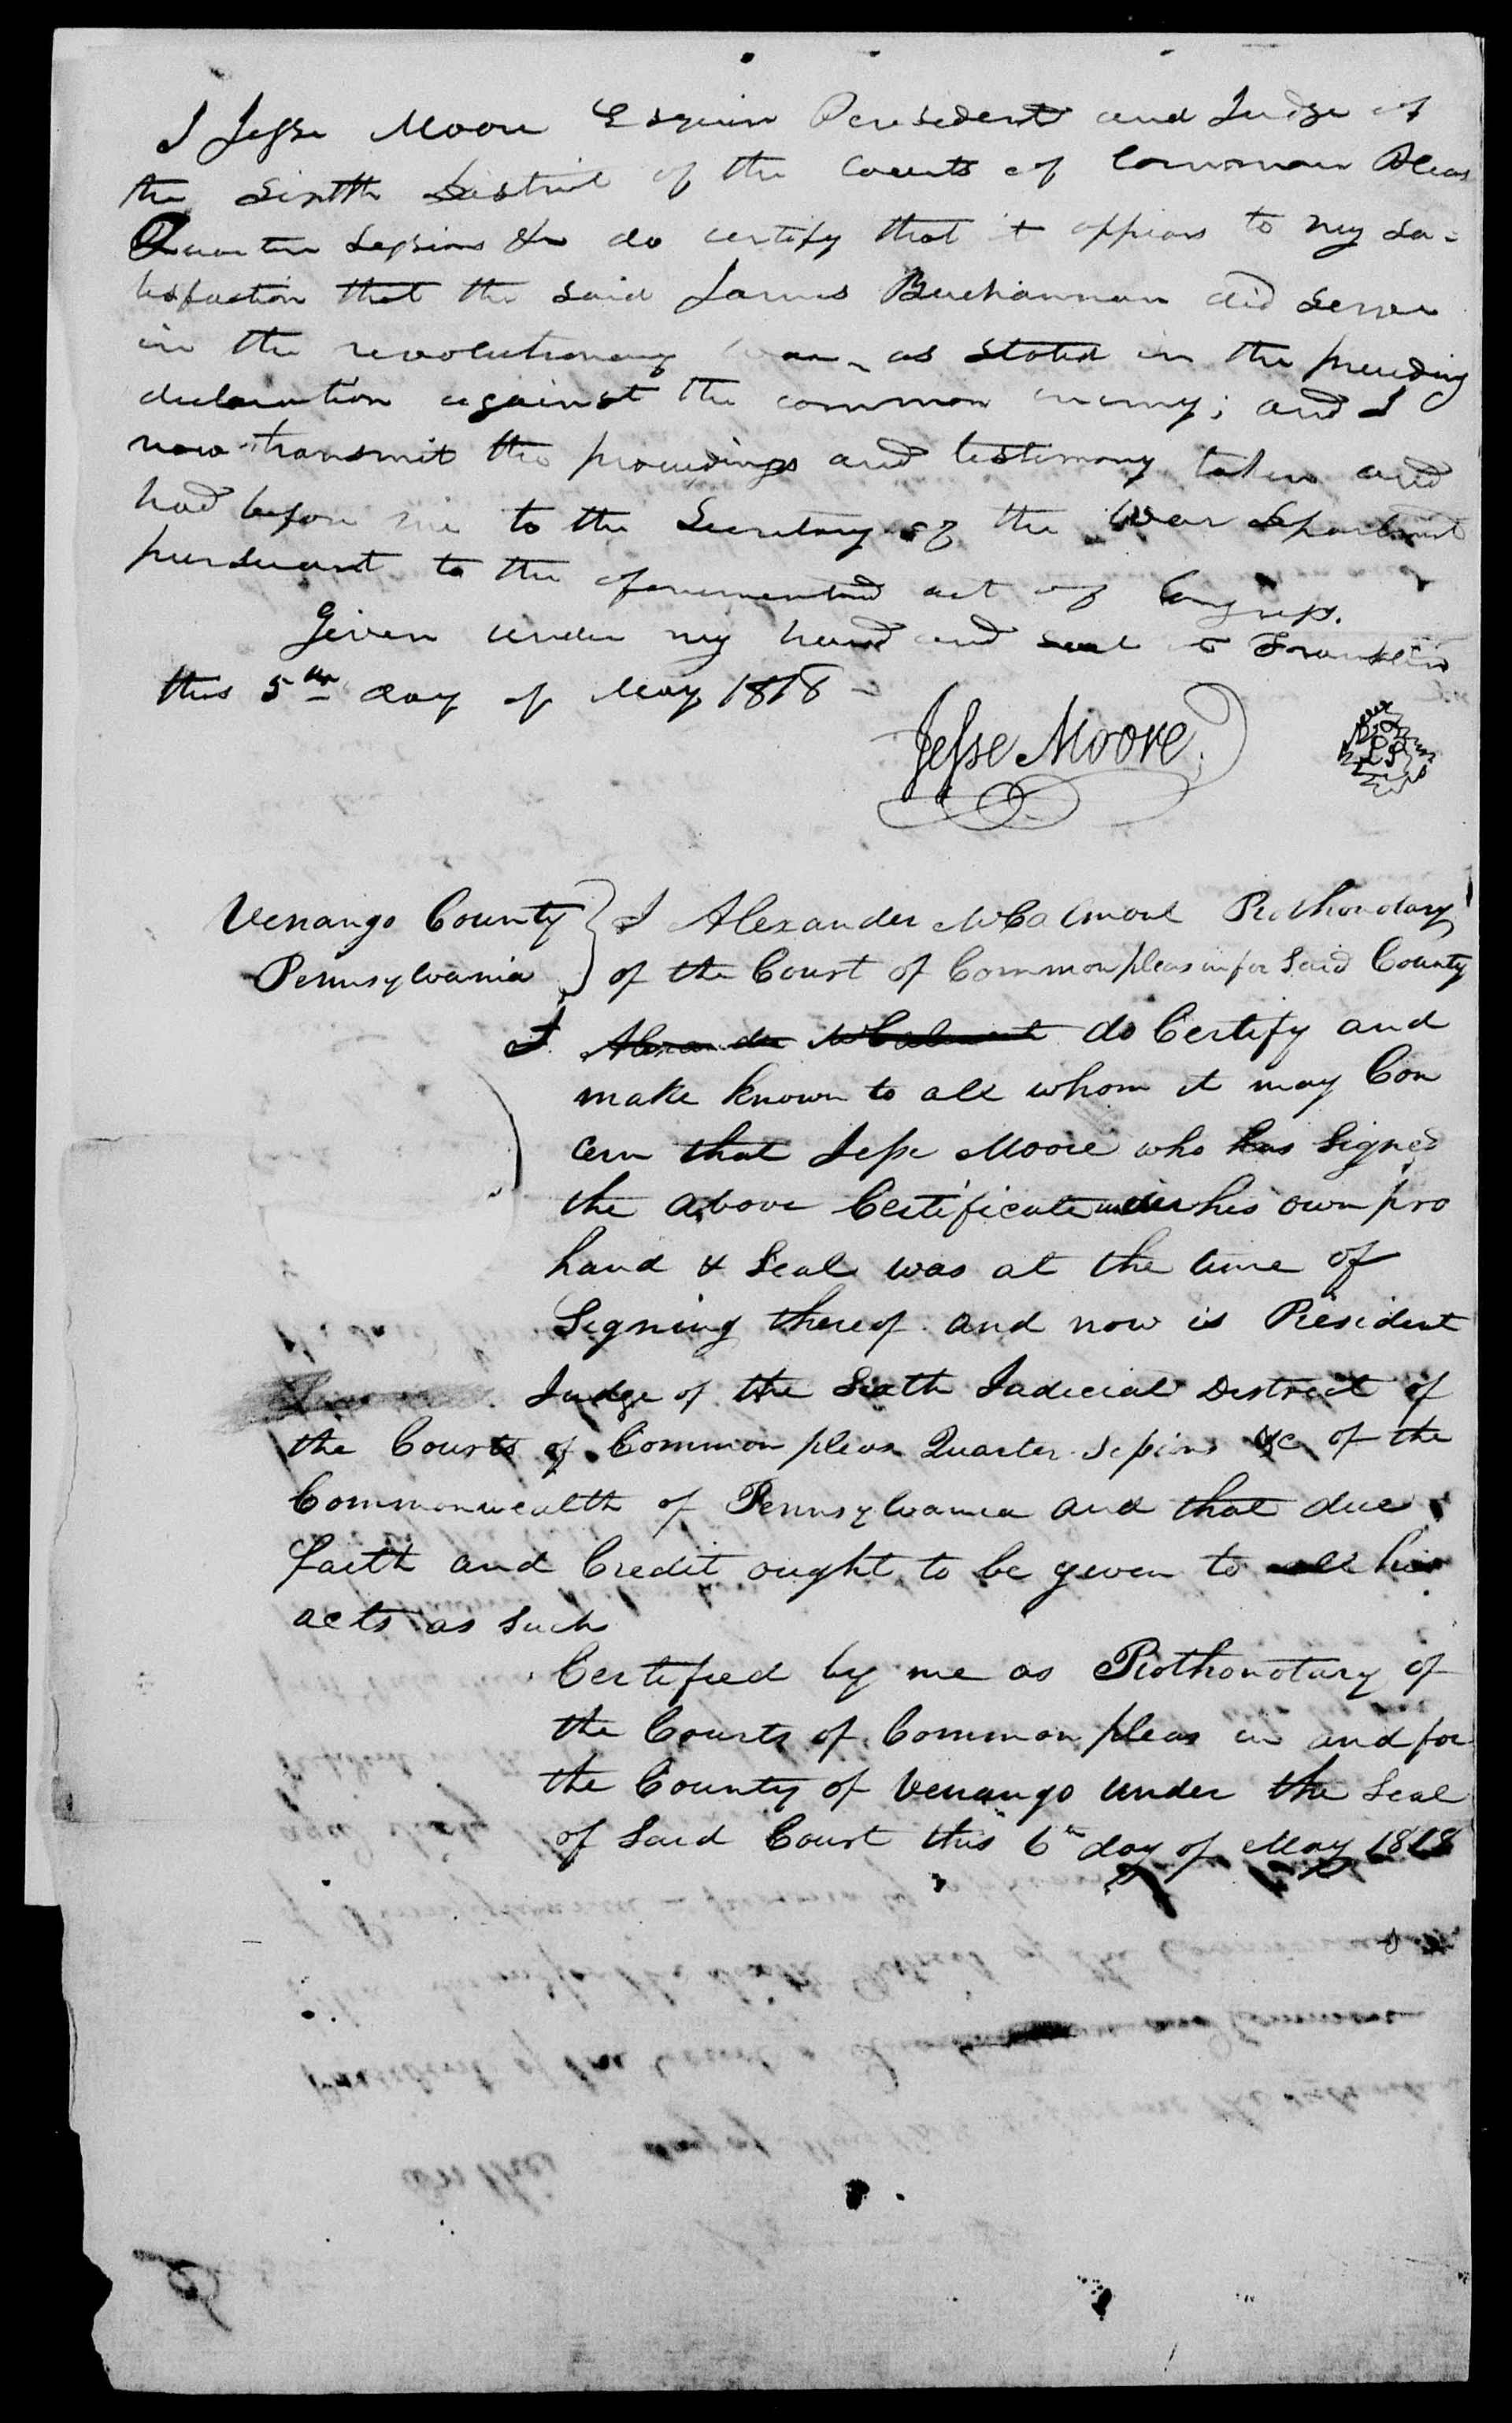I Jesse Moore Esquire President and Judge of the Sixth District of the Court of Common Pleas Quarterly Sessions here do certify that it appears to my satisfaction that the said James Buchanon did serve in the revolutionary war as stated in the preceding declaration against the common enemy; and I now transmit the providings and testimony taken and had before me to the satisfaction of the war department pursuant to the aforementioned act of congress.

   Given under my hand and seal at Franklin this 5th day of May 1818

                                             //s//
                                  Jesse Moore

Venango County
Pennsylvania

   I Alexander McCalmont Prothonotary of the Court of Common Pleas in and for said county do certify and make known to all whom it may concern that Jesse Moore who has signed the above certificate in his own hand & seal was at the time of signing thereof and now is President Judge of the Sixth Judicial District of the Court of Common Pleas  Quarterly sessions of the Commonwealth of Pennsylvania and that due faith and credit ought to be given to all his acts as such.

    Certified by me as Prothonotary of the Courts of Common Pleas in and for the county of Venango under the seal of said court this 6th day of May 1818.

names: Jesse Moore, Jesse Moore, Alexander Mc Calmont, Jesse Moore, James Buchannan, Alexander Mc Calmont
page: 4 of 15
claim: survivor's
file: S. 40,765, James Buchanan, Pa.